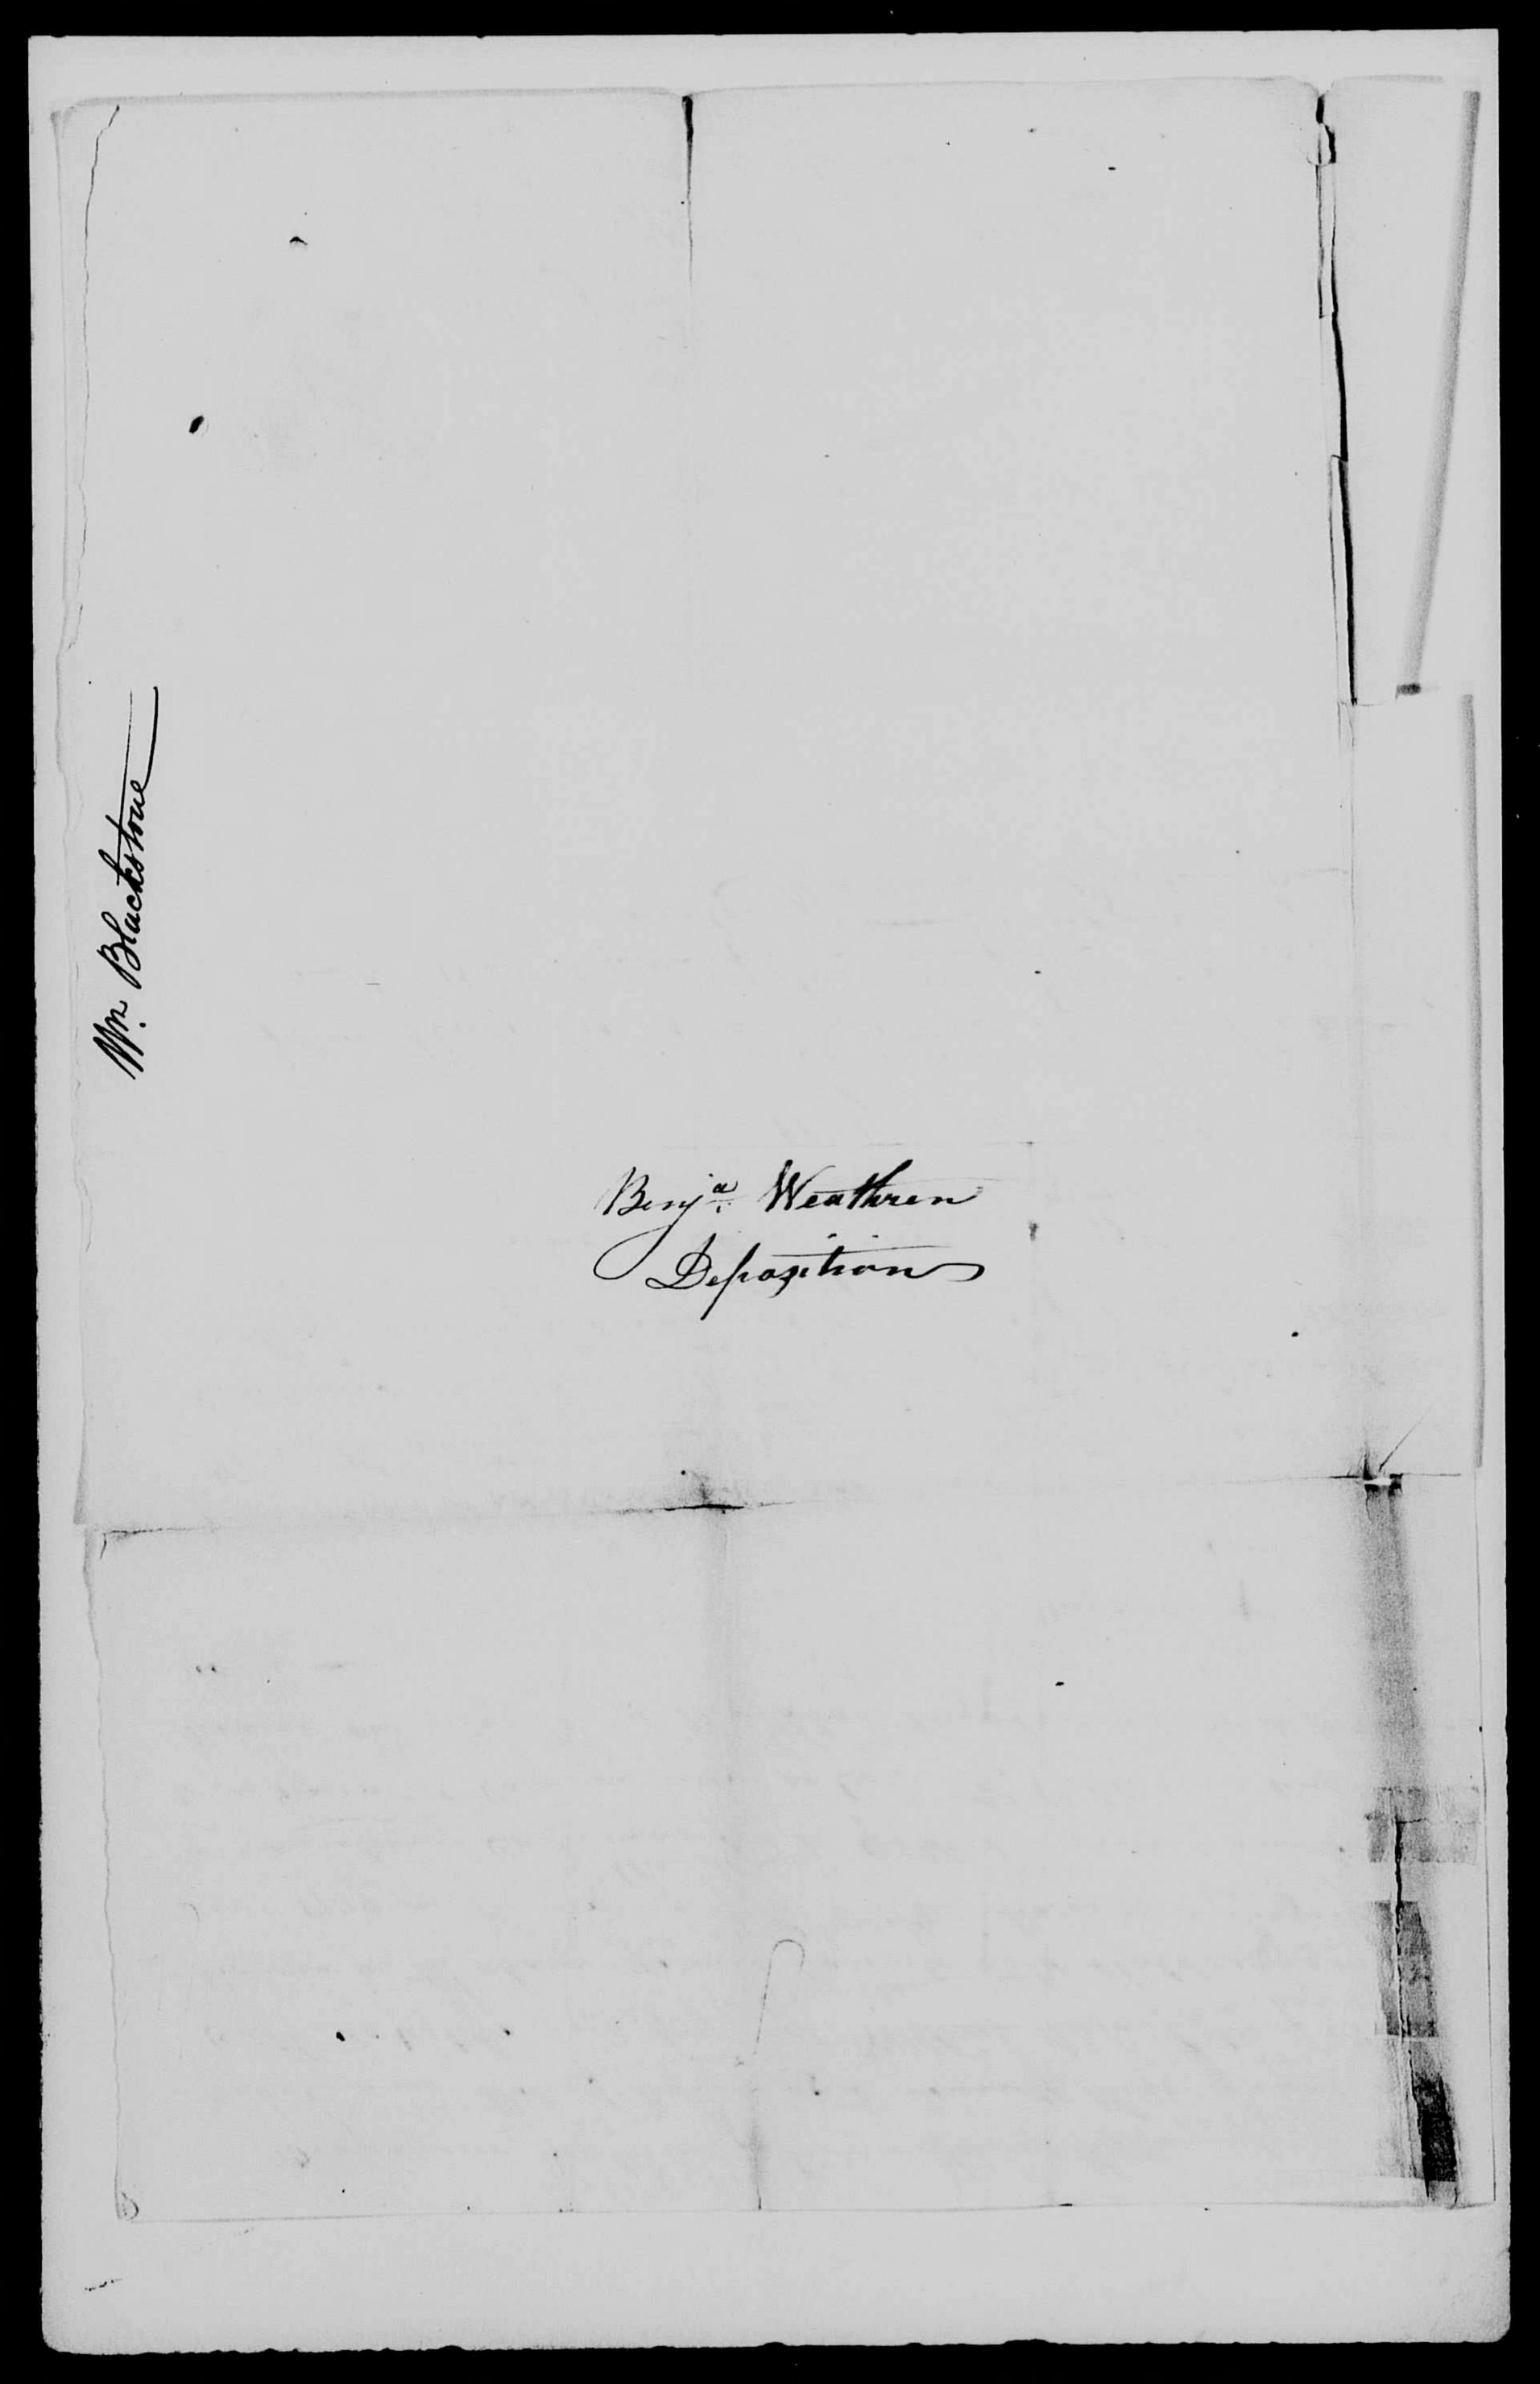[Diagonally left-hand side of page: Wm. Blackstone]

Benj. Weathren
Deposition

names: Benja Weathren, Wm Blackstone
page: 11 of 14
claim: survivor's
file: S. 30,869, William Blackston, Mass.